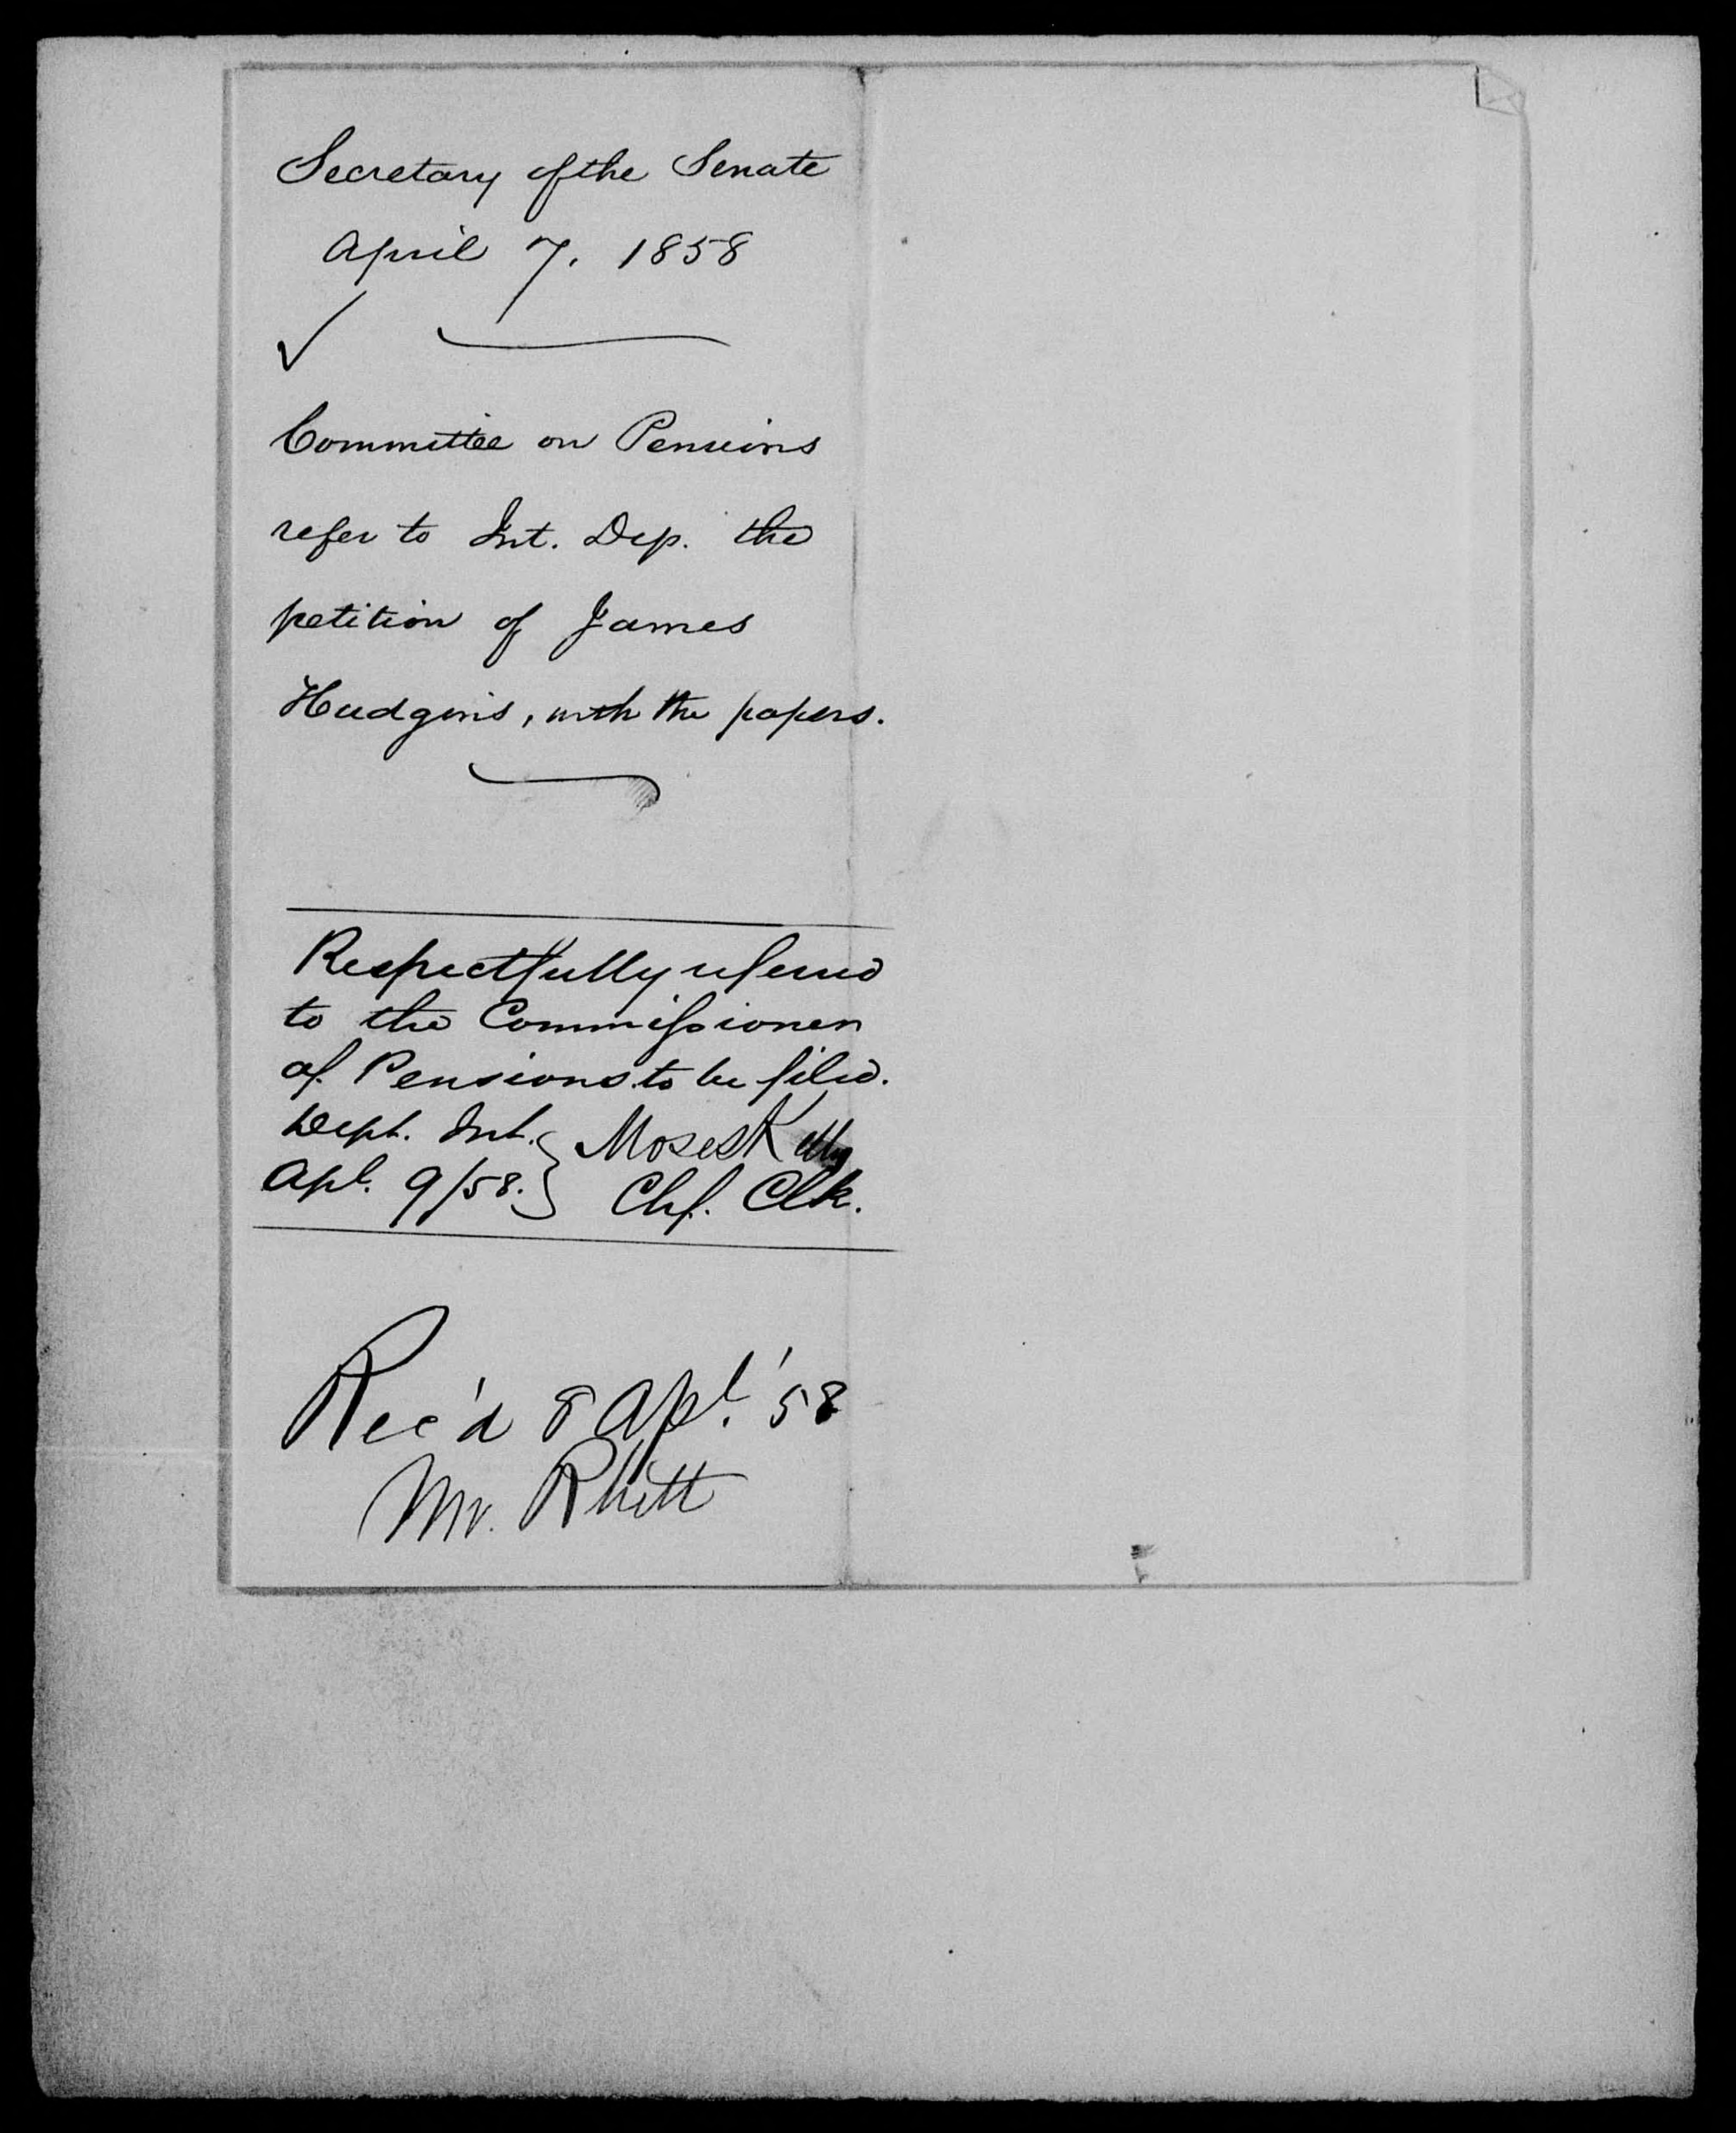Secretary of the Senate
April 7 1858
(Check mark plus line under date)

Committee on Pensions
Refer to Int. Dep. the petition of James Hudgins, with the papers.
(Underlined with squiggle line)

Respectfully referred to the Commissioner of Pensions to be filed 
Dept. Int. Moses K(remainder of name is smudged) Chf Clk
APL 9/58

Rec’d 8 Apl’58
Mr. Rhitt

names: Ruth, Moses Kelly, James Hudgins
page: 36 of 108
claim: rejected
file: R. 7,515, John Hudgins, N.C.